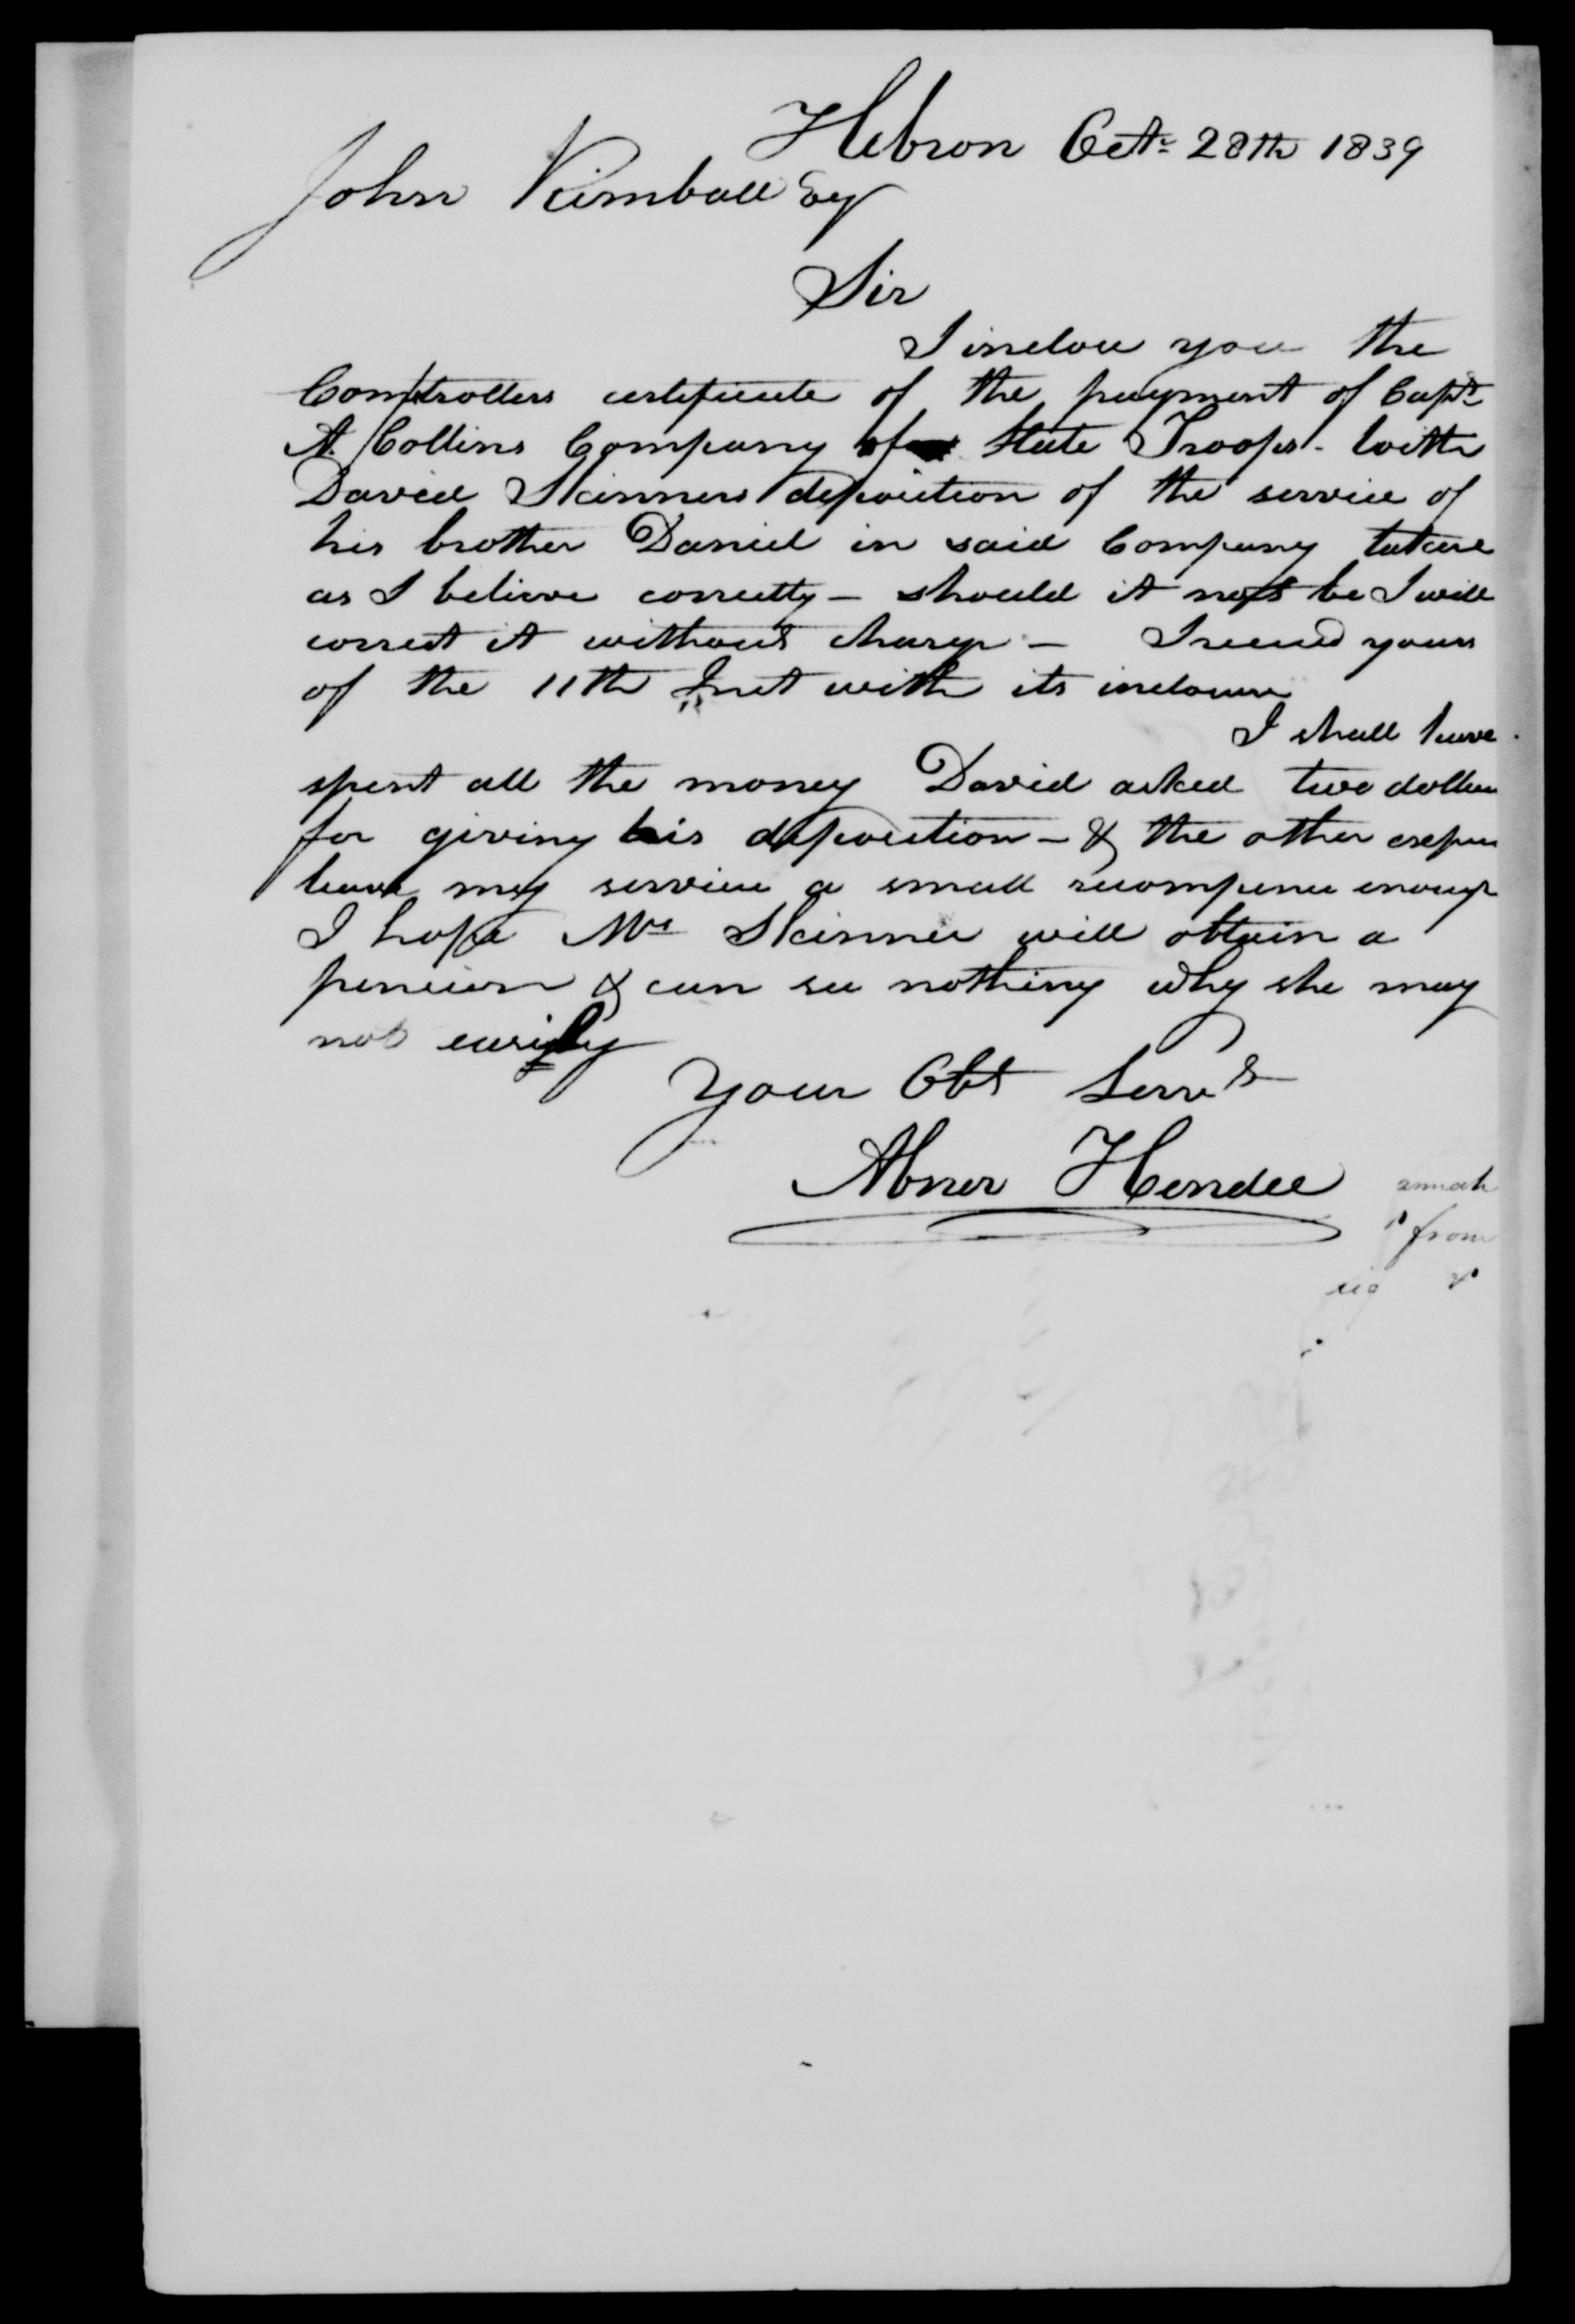Hebron Oct 28th 1839
John Kimball Esqr.
Sir
I enclose you the
Comptrollers certificate of the payment of Capt
A. Collins Company of State Troops with
David Skinners deposition of the service of
his brother Daniel in said Company (illegible)
as I believe correctly-- should it not be I will
correct it without charge- I received yours
of the 11th just with its enclosure.
I shall have spent all the money David asked two dollars
for giving his deposition - & the other expense
have my service a small recompence enough.
I hope Mrs Skinner will obtain a
pension & can see nothing why she may
not (illegible-verify?).
Your Obt Servant
Abner Hendee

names: [BLANK] Skinner; Daniel [BLANK]; David Skinner; John Kimball; Abner Hendee; David [BLANK]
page: 11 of 46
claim: widow's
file: W. 24976, for Daniel Skinner, New Hampshire